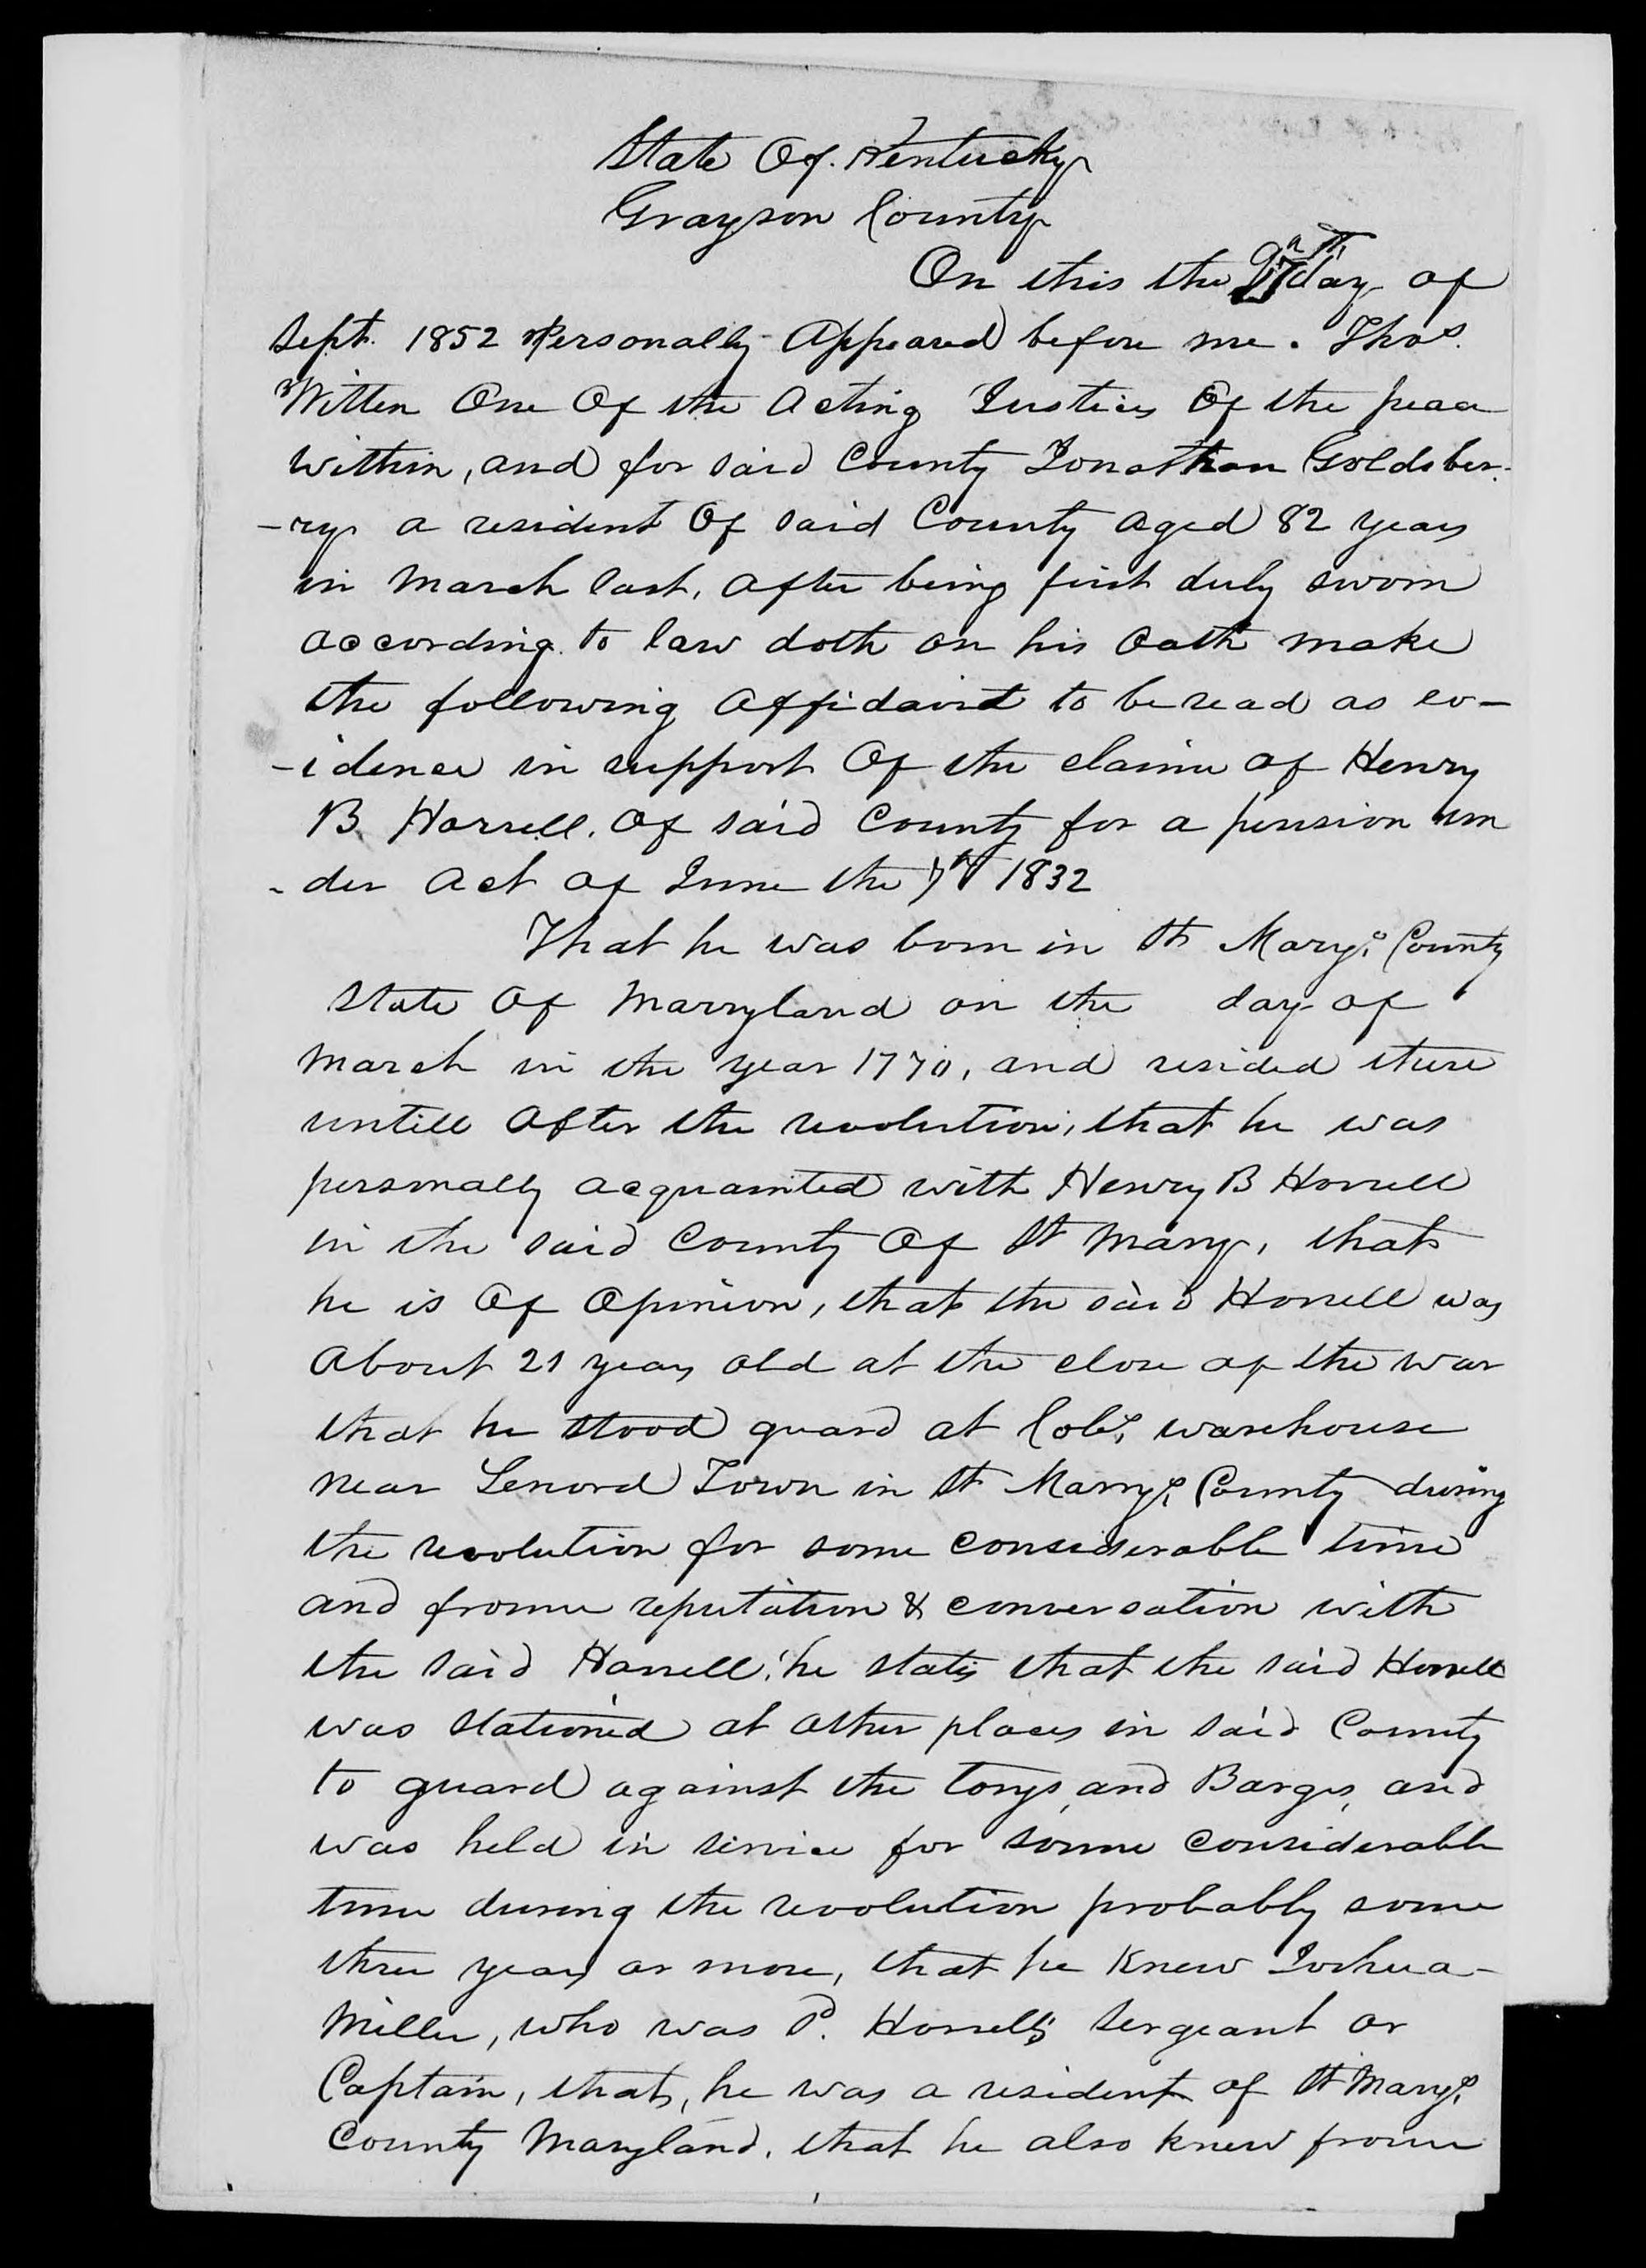State of Kentucky
Grayson County

On this the 9th day of Sept 1852 personally Appeared before me. Thos. Witten one of the Acting Justices of the Peace within, and for said County Jonathan Goldsberry a resident of said County aged 82 years in March last after being first duly sworn according to law doth on his oath make the following Affidavit to be read as evidence in support of the claim of Henry B Harrell of said County for a pension under act of June the 7th 1832.
That he was born in St. Mary's County state of Maryland on the [blank] day of March in the year 1770 and resided there until after the revolution, that he was personally acquainted with Henry B Horrell in the said County of St. Mary's, that he is of opinion that the said Horrell was about 21 years old at the close of the war, that he stood guard at Cob's warehouse near Lenord Town [Leonardtown] in St Mary's County during the revolution for some considerable time and from reputation & conversation with the said Horrell he states that the said Horrell was stationed at other places in said county to guard against the Torys, and Barges and was held in service for some considerable time during the revolution probably some three years or more, that he knew Joshua Miller, who was sd Horrell's sergeant or Captain, that he was a resident of St. Mary's County Maryland, that he also knew from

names: Thos Within, Henry B Harrell, Jonathan Goldsberry, Joshua Miller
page: 5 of 15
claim: rejected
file: R. 5234, Henry B Horrell, Md.